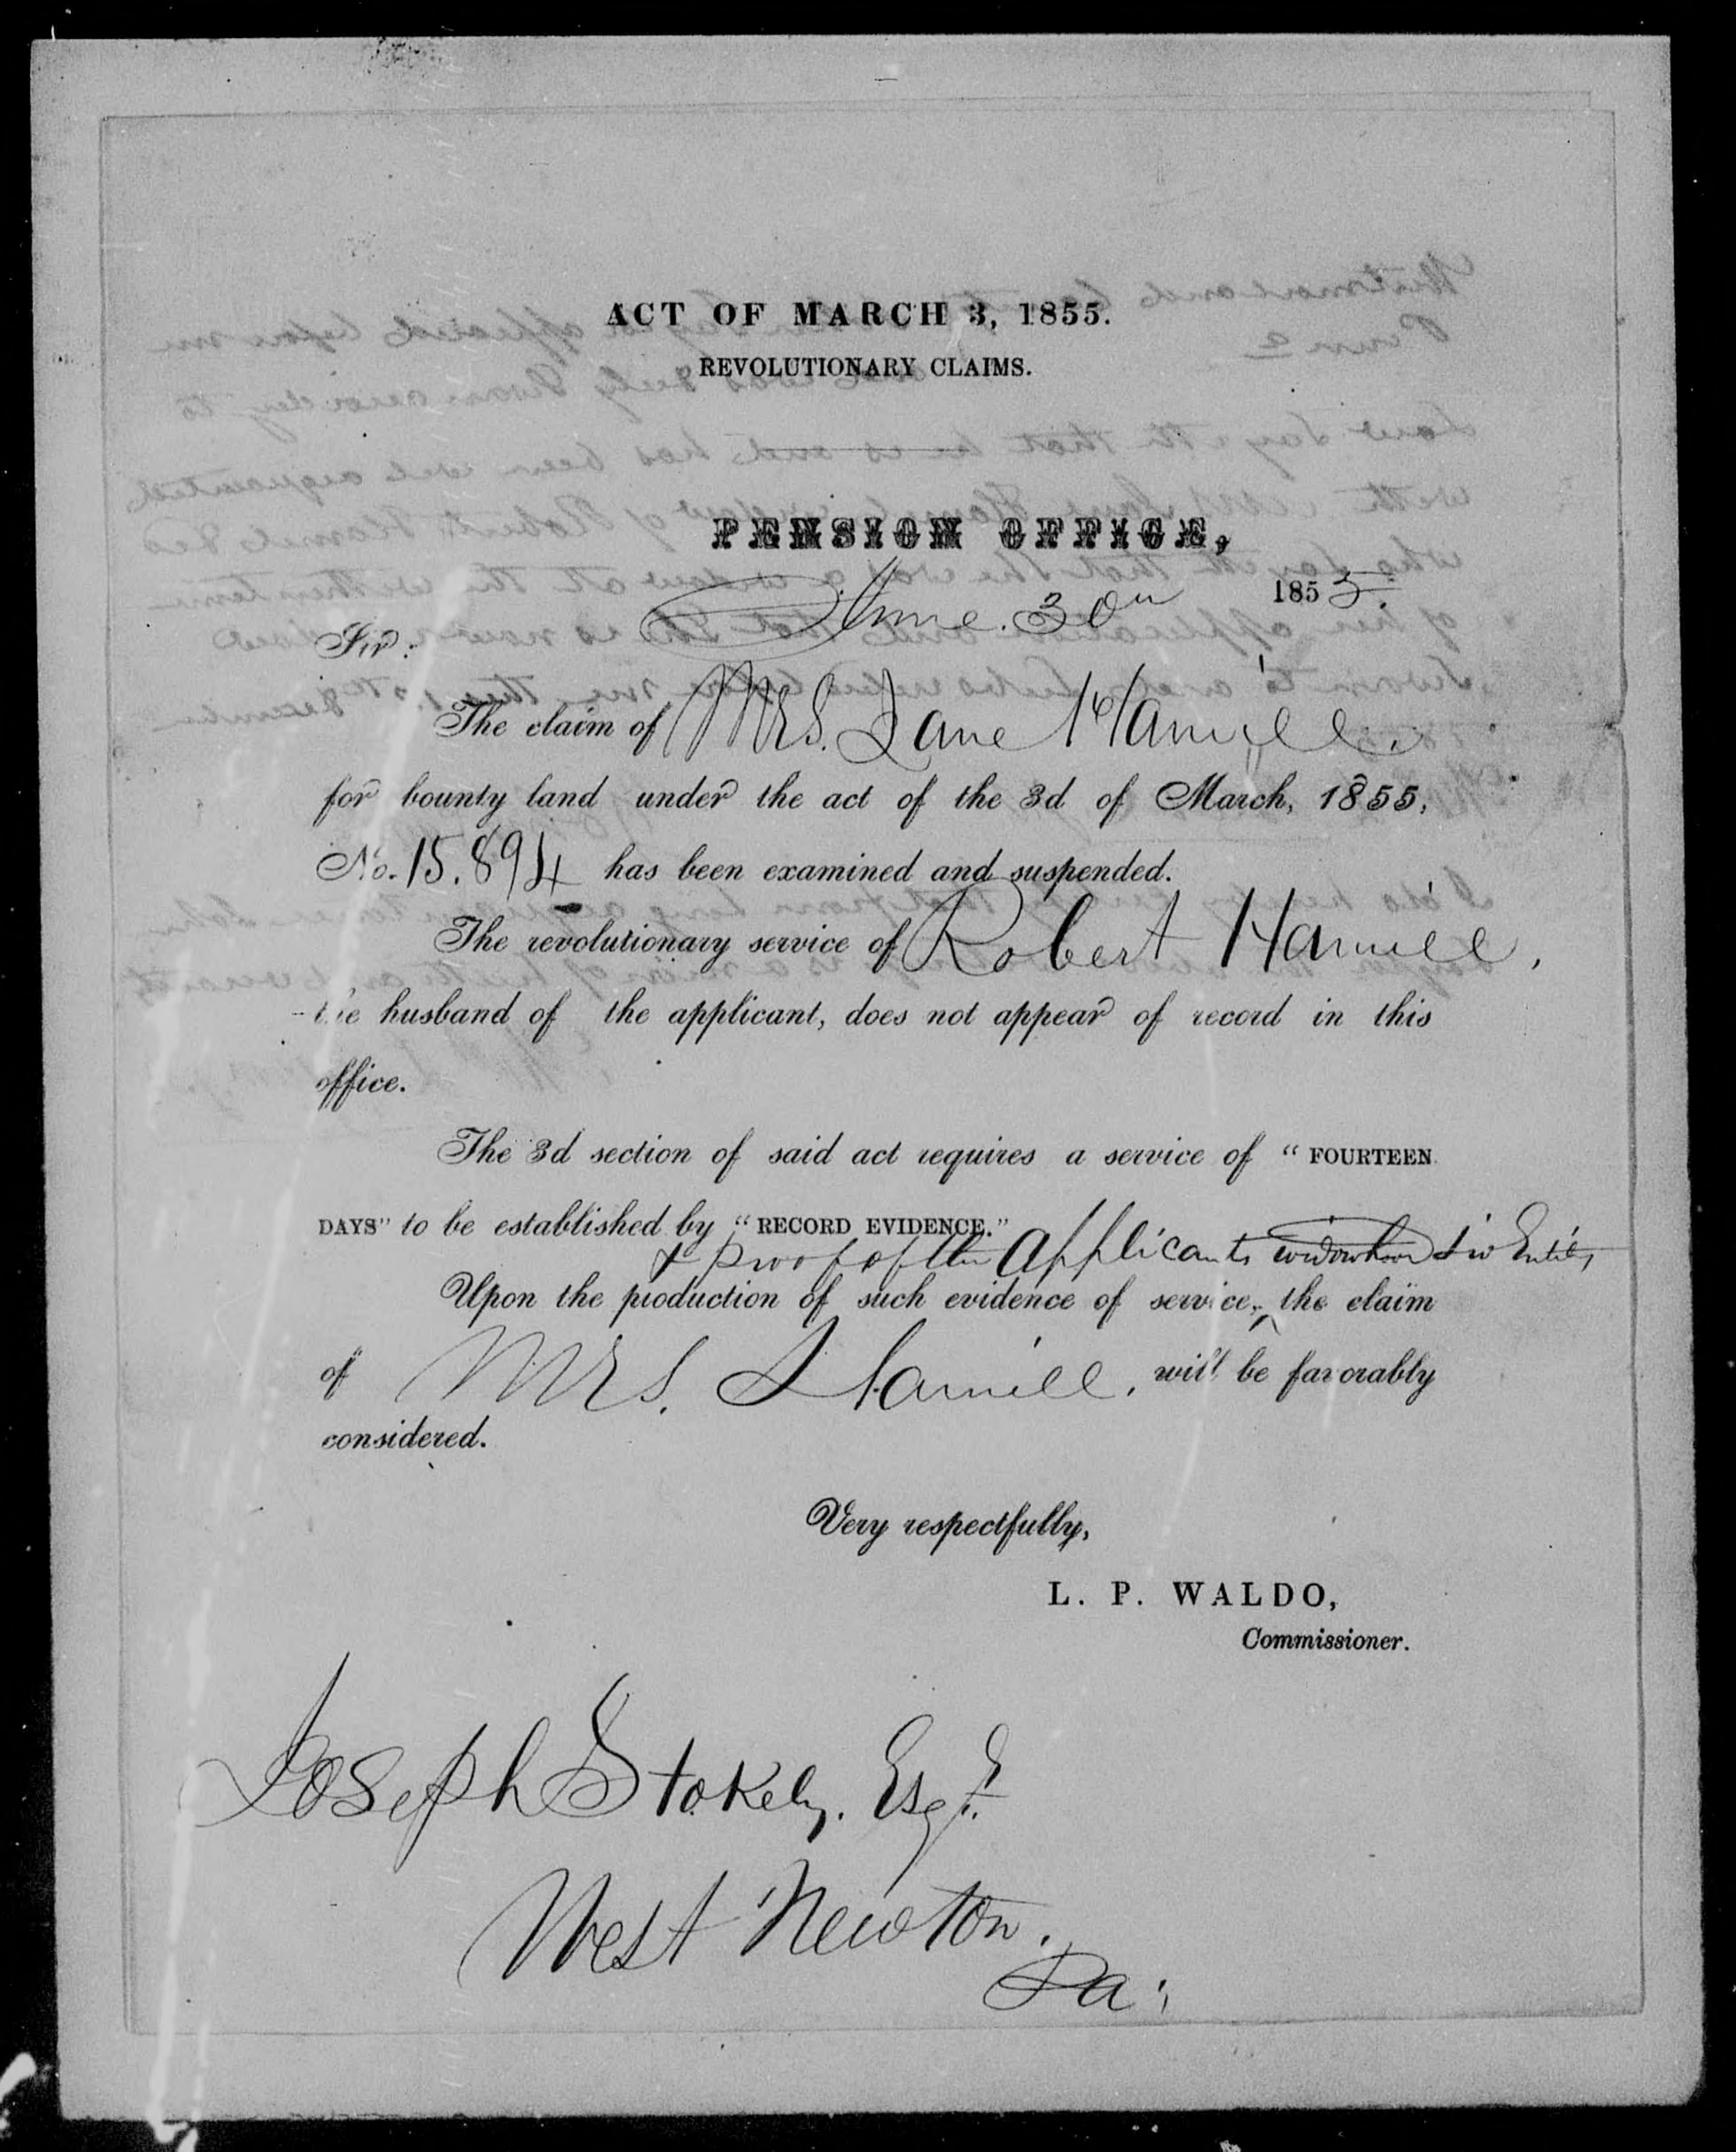ACT OF MARCH 8, 1855
REVOLUTIONARY CLAIMS.
PENSION OFFICE
June 30 1853Sir:


The claim of Mrs. Jane Hamill for bounty land under the act of the 3d of March, 1855, No.
15.894 has been examined and suspended.

The revolutionary service of Robert Hamill,
the husband of the applicant, does not appear of record in this office.

The 3d section of said act requires a service of "FOURTEEN DAYS" to be established by "RECORD EVIDENCE."

Proof of the applicants widowhood [illegible] Entity

Upon the production of such evidence of service, the claim of Mrs. Hamill, will be favorably considered.
Very respectfully
L. P. WALDO. Commissioner.
Joseph Stokely, Esq.
West Newton, Pa.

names: L P Waldo, Hamill, Jane Hamill, Robert Hamill, Joseph Stokely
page: 73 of 92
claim: widow's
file: W 1173, Robert Hamill, Penn.